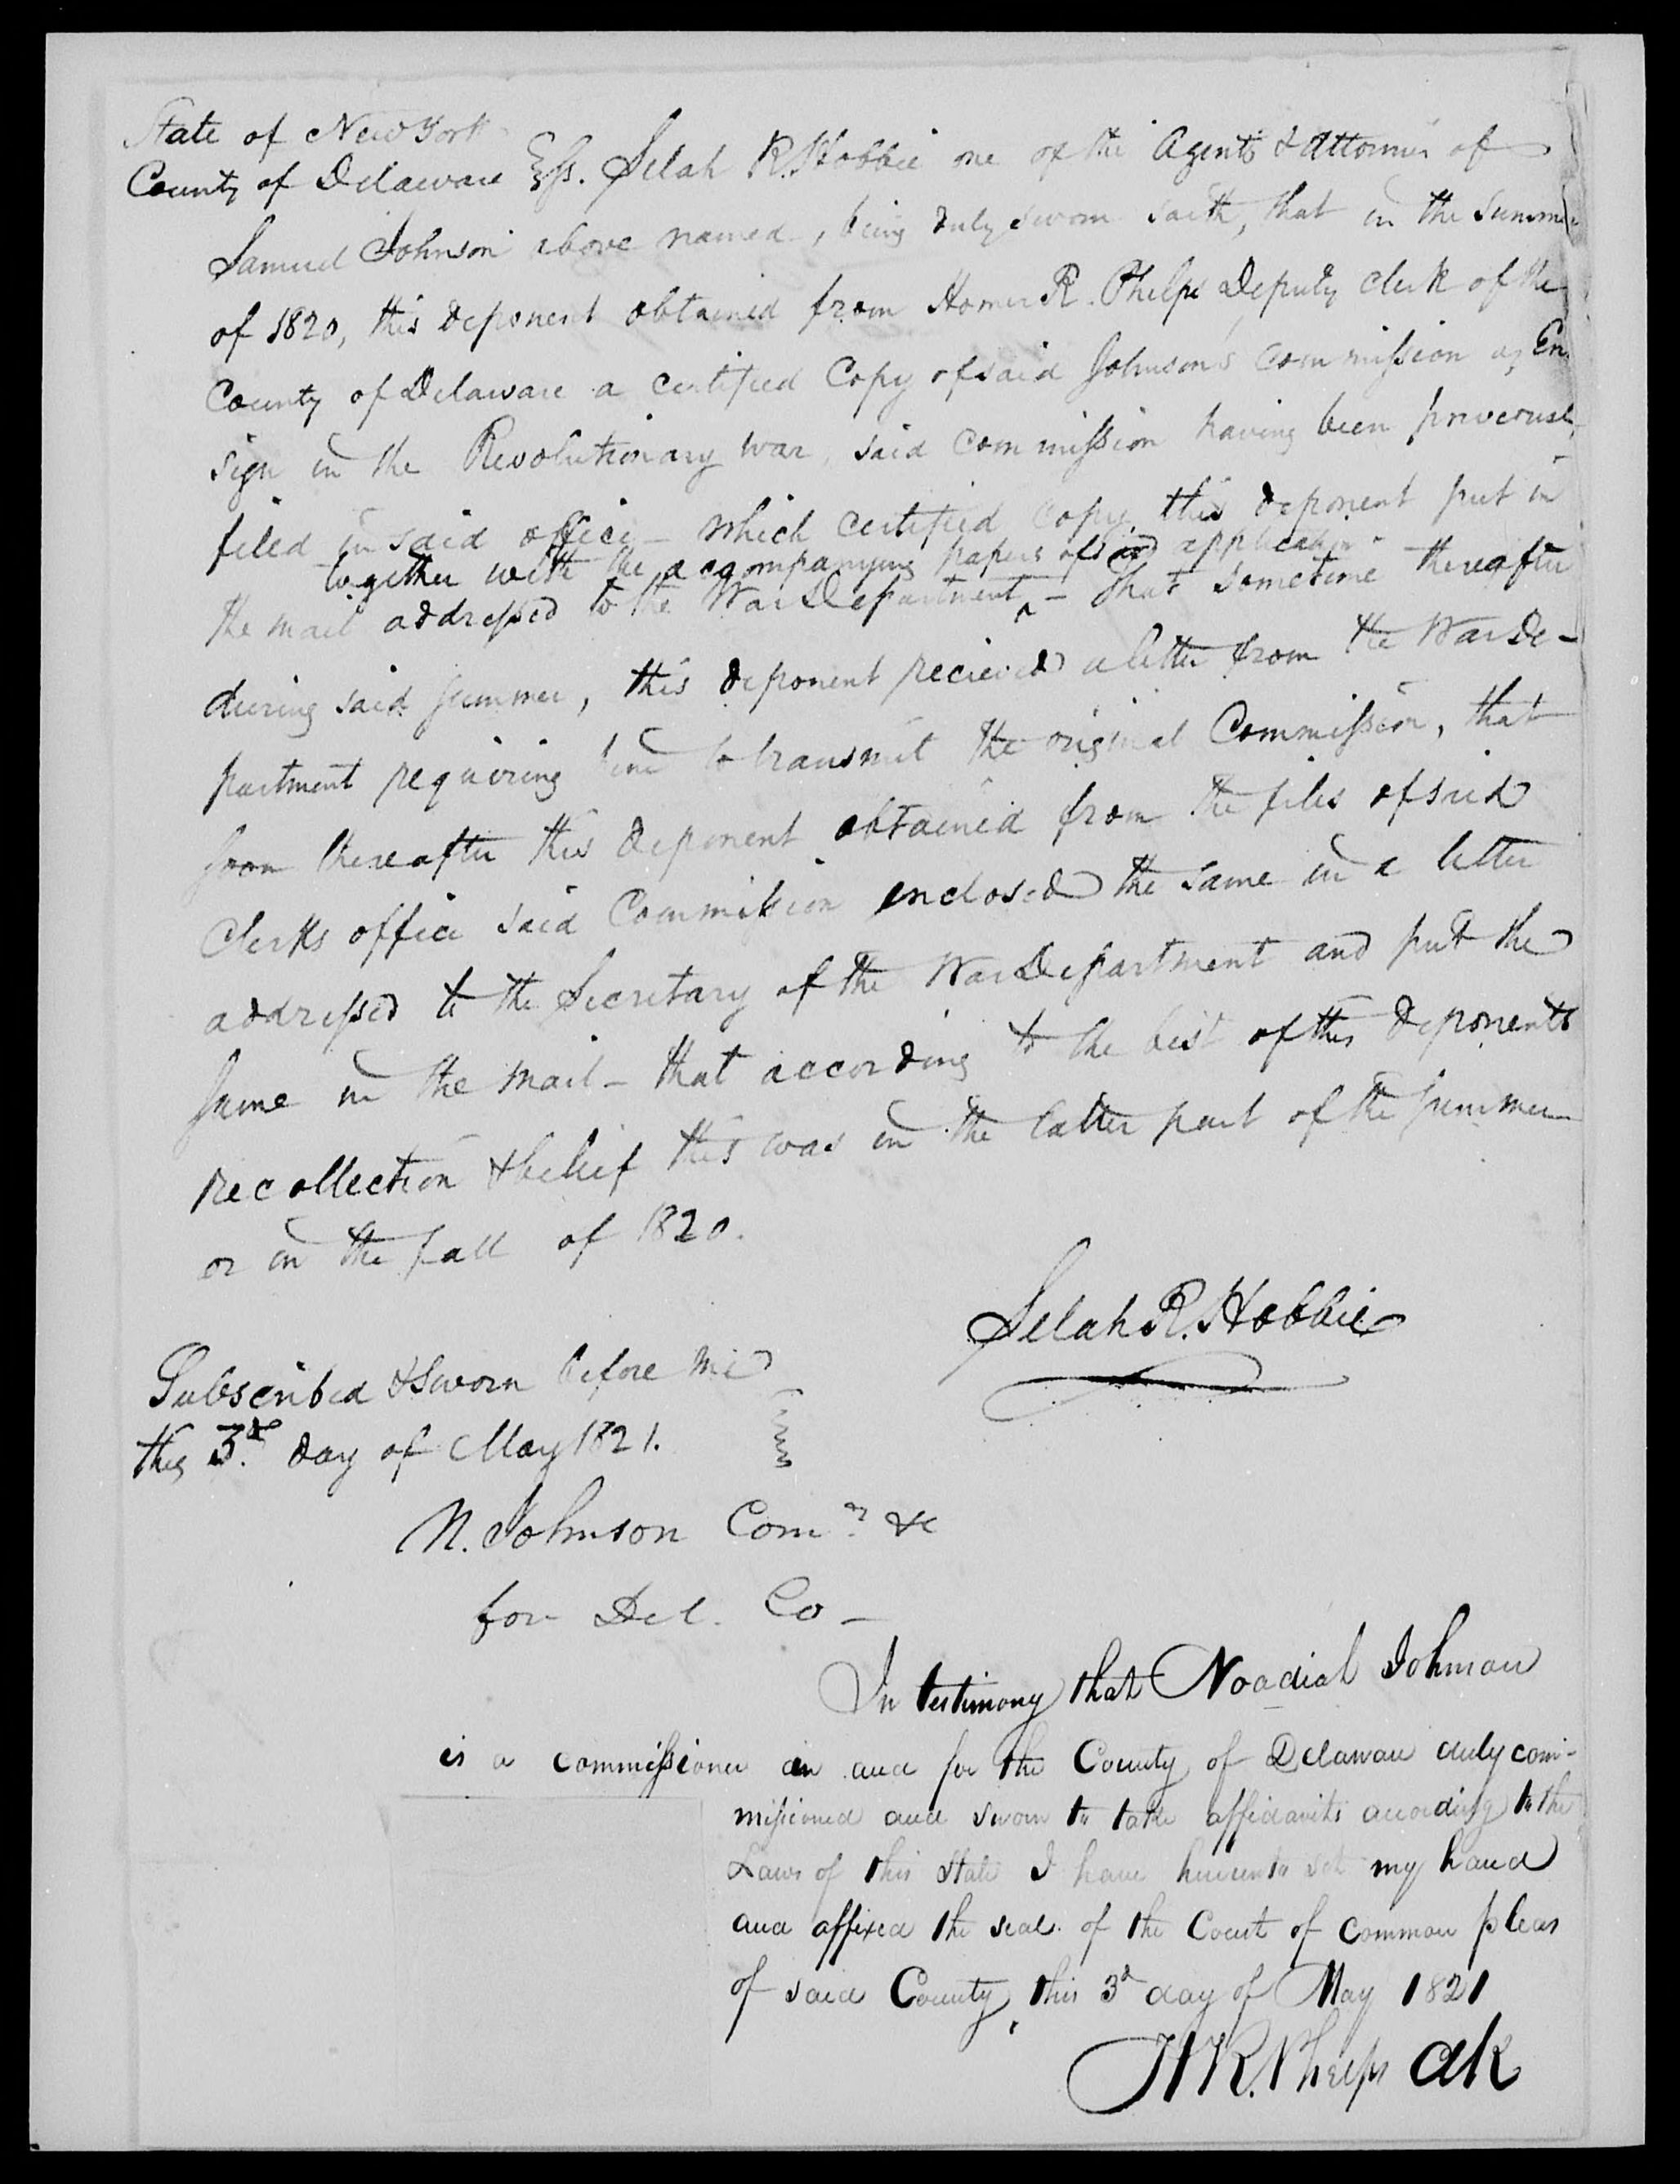State of New York 
County of Delaware } ss Selah R. Hobbie one of the agent & attornies of Samuel Johnson above named, being duly sworn saith that in the summer of 1820, this deponent obtained from Homer R. Phelps Deputy Clerk of the County of Delaware a certified copy of said Johnsons commission of as Ensign in the Revolutionary war said commission having been previous filed in said office, which certified copy, this deponent put in  together with the accompanying papers of said application the mail addressed to the war department that sometime thereafter during said summer, this deponent received a letter from the War Department requiring him to transmit the original commission, that on thereafter this deponent obtained from the files of said Clerks office said commission enclosed the same in a letter addressed to the Secretary of the War Department and put the same in the mail.  That according to the best of this deponents recollection & belief this was in the latter part of the summer or in the fall of 1820 
Selah E. Hobbie 
Subscribed & Sworn before me this 30th day of May 1821 
N. Johnson Comr &c for Del. Co 
In testimony that Noadiah Johnson is a commissioner in and for the County of Delaware duly commissioned and sworn to take affidavits according to the Laws of this State I have hereunto set my hand and affixed the seal of the Court of Common pleas of said County this 3d day of May 1821 
H.R. Phelps Clk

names: Noadiah Johnson; Selah R Hobbie; Samuel Johnson; Homer R Phelps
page: 32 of 43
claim: rejected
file: R. 5655, for Samuel Johnson, Connecticut